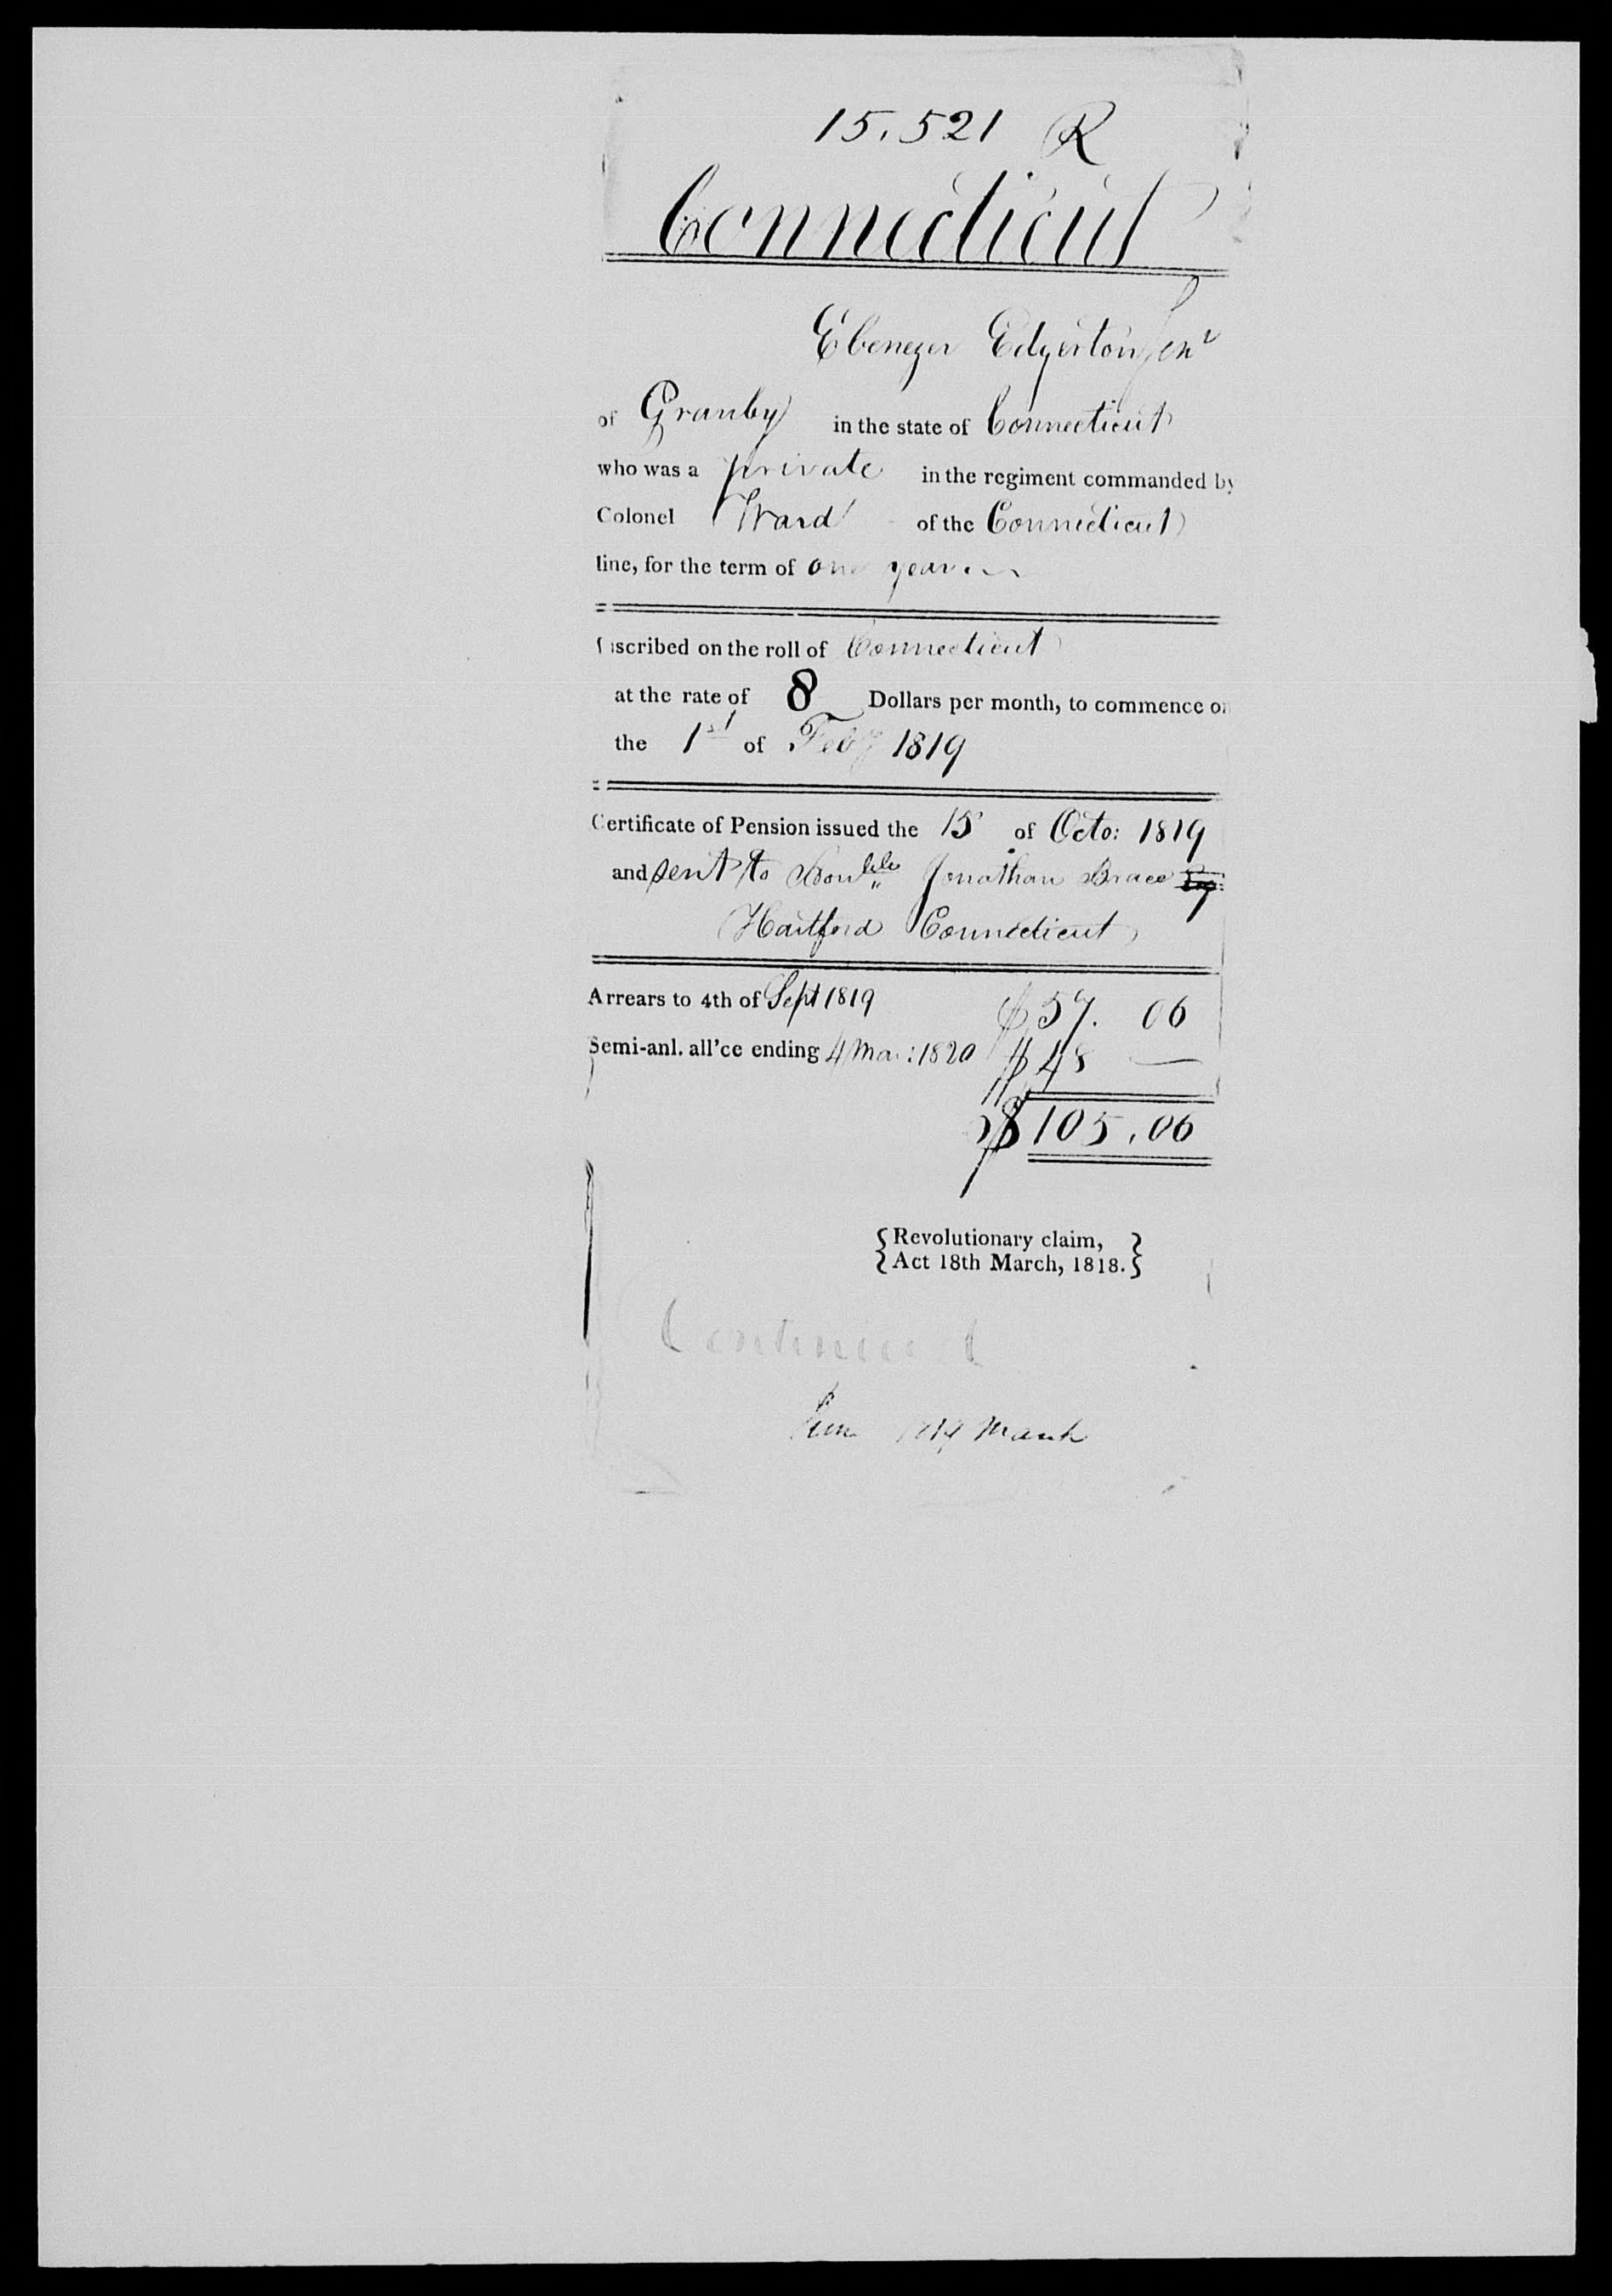15,521 R

Connecticut

Ebenezer Edgerton [Illegible]
of Granby in the state of Connecticut
who was a private in the regiment commanded by
Colonel Ward of the Connecticut
line, for the term of one year -

[Illegible]scribed on the roll of Connecticut
at the rate of 8 Dollars per month, to commence on
the1st of Feby 1819

Certificate of Pension issued the 15 of Octo: 1819
and sent to Honble Jonathan Brace 
Hartford Connecticut

Arrears to 4th of Sept 1819  $57.06
Semi-anl. all'ce ending 4 Mar: 1820  $48 -
[Total] $105.06

Revolutionary claim,
Act 18th March, 1818

Jeon M Marsh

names: Ward, Jonathan Brace, Ebenezer Edgerton, Jeon M Marsh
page: 2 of 18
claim: survivor's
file: S. 37,904, Ebenezer Edgerton, [BLANK]